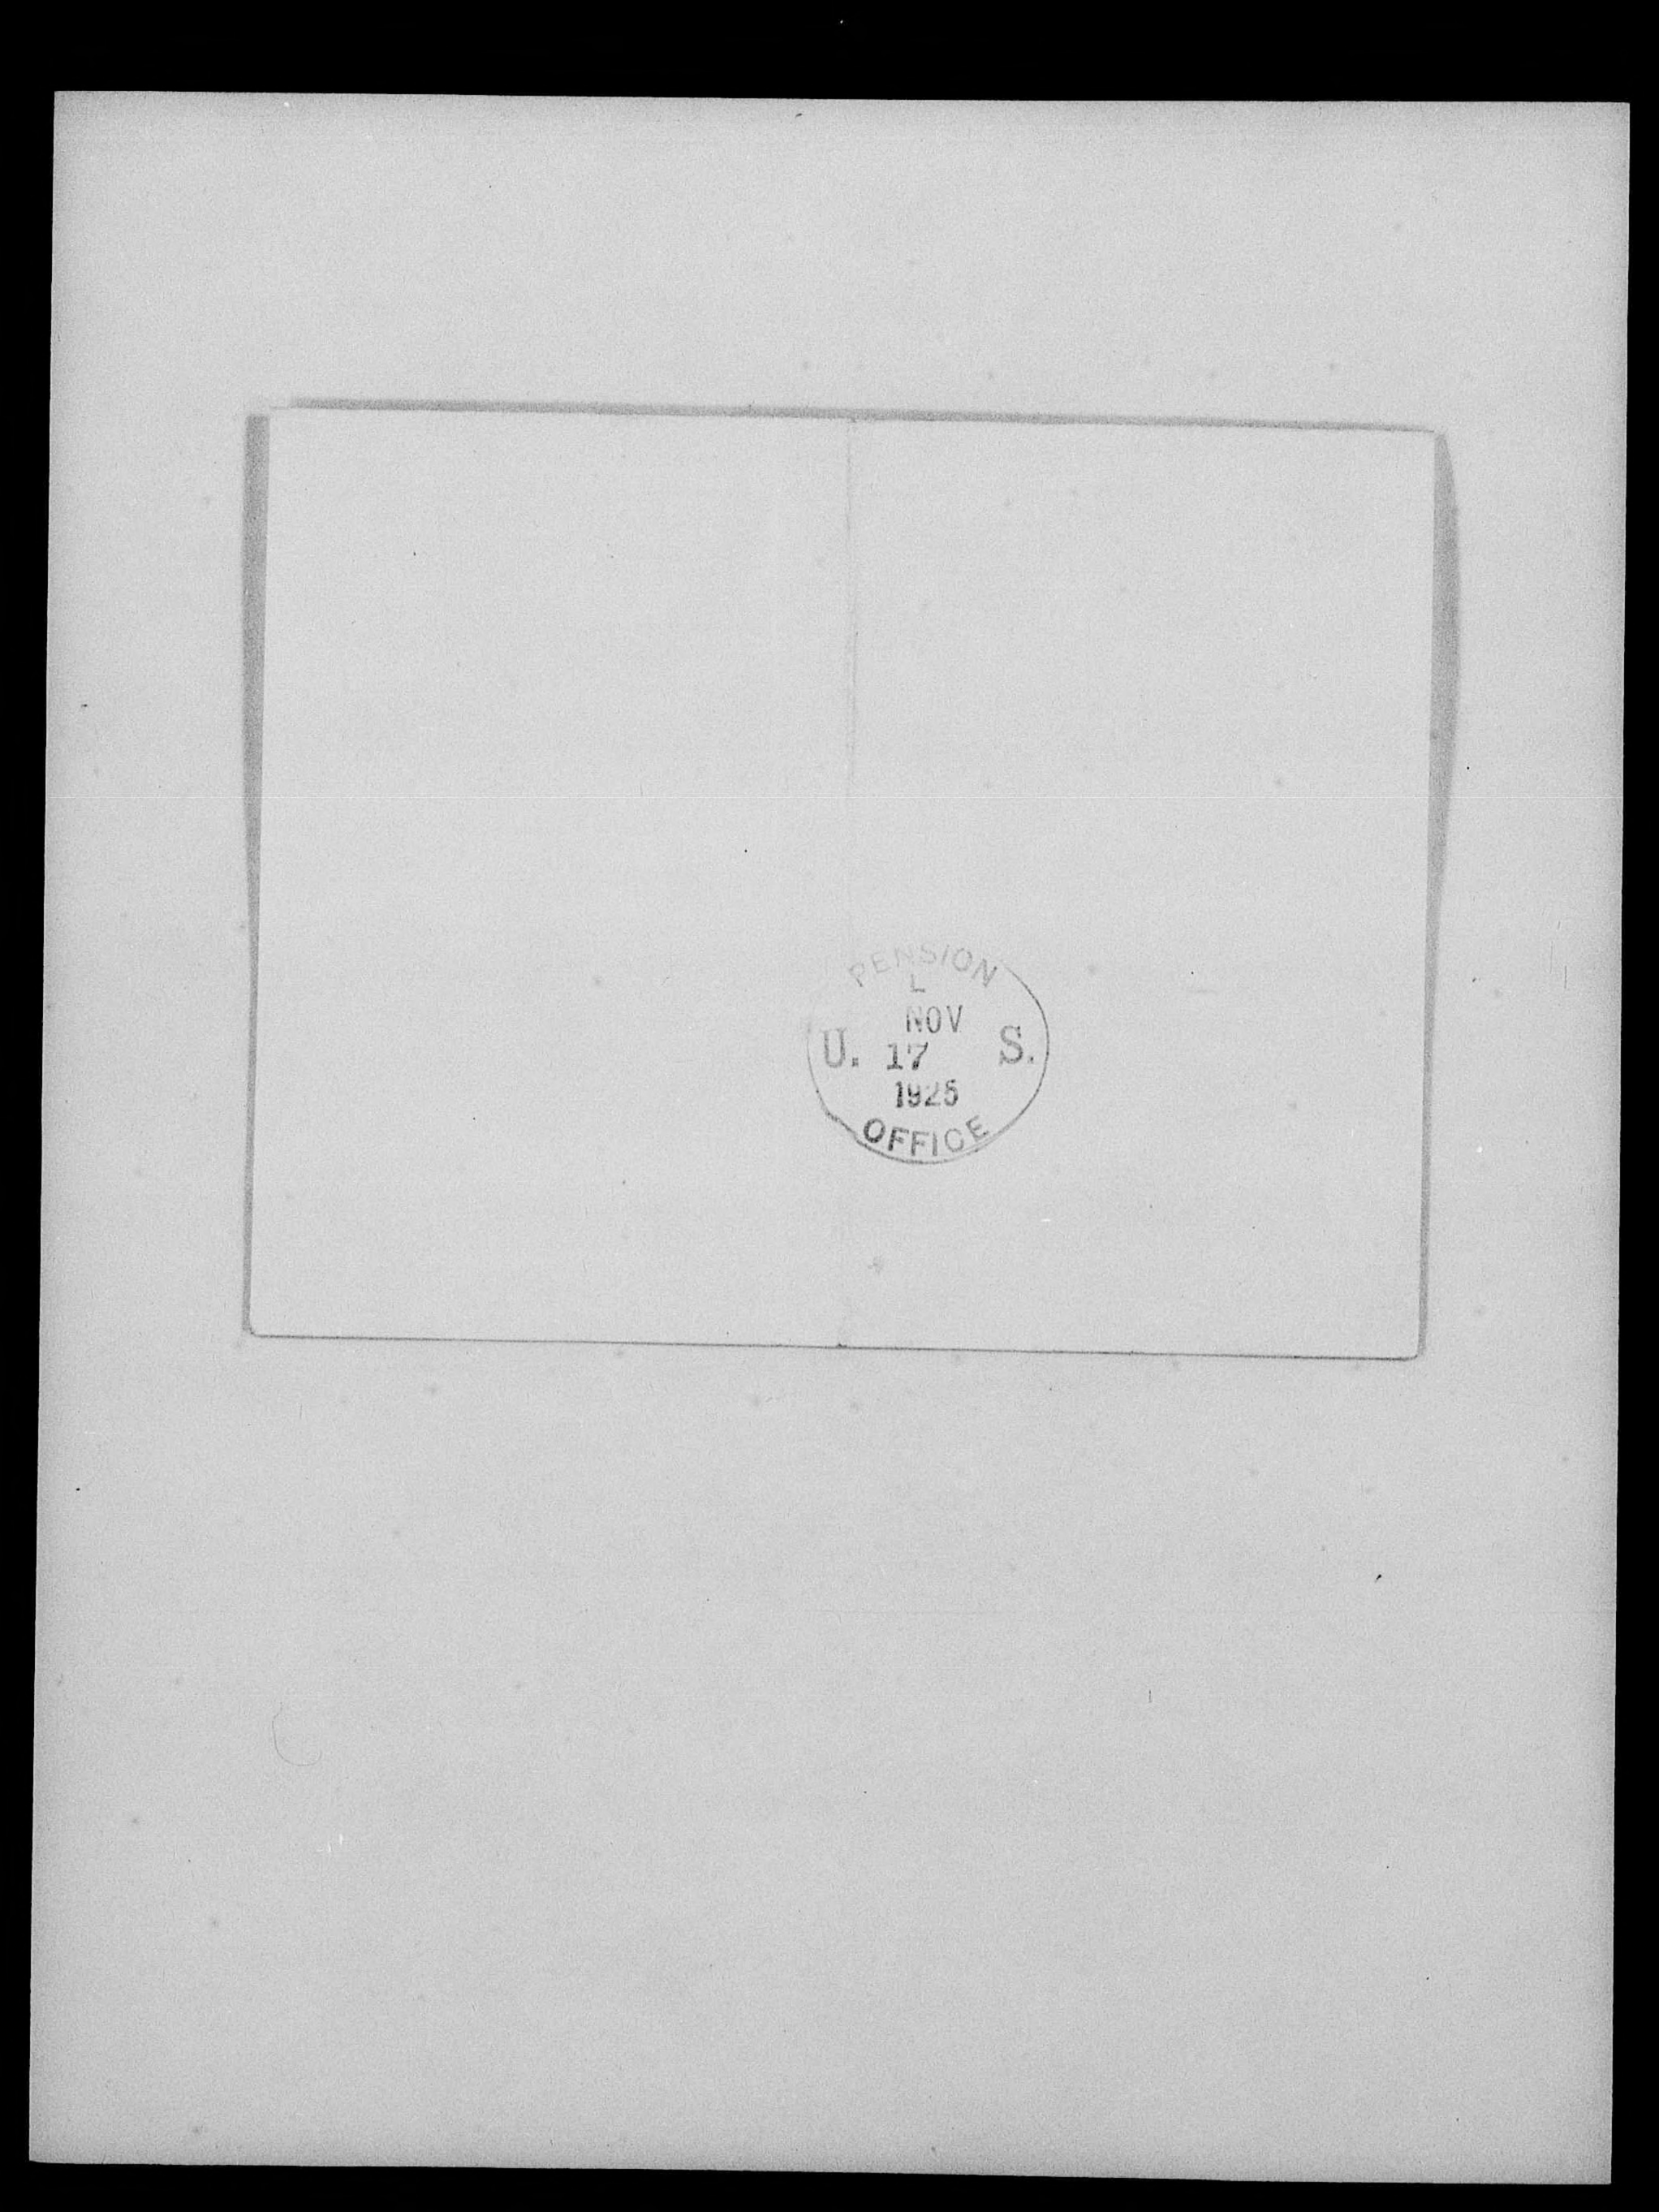[stamped] U. S. PENSION OFFICE L NOV 17 1925 [/stamped]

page: 14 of 34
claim: survivor's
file: S. 36,051, for Samuel Luckett, Maryland